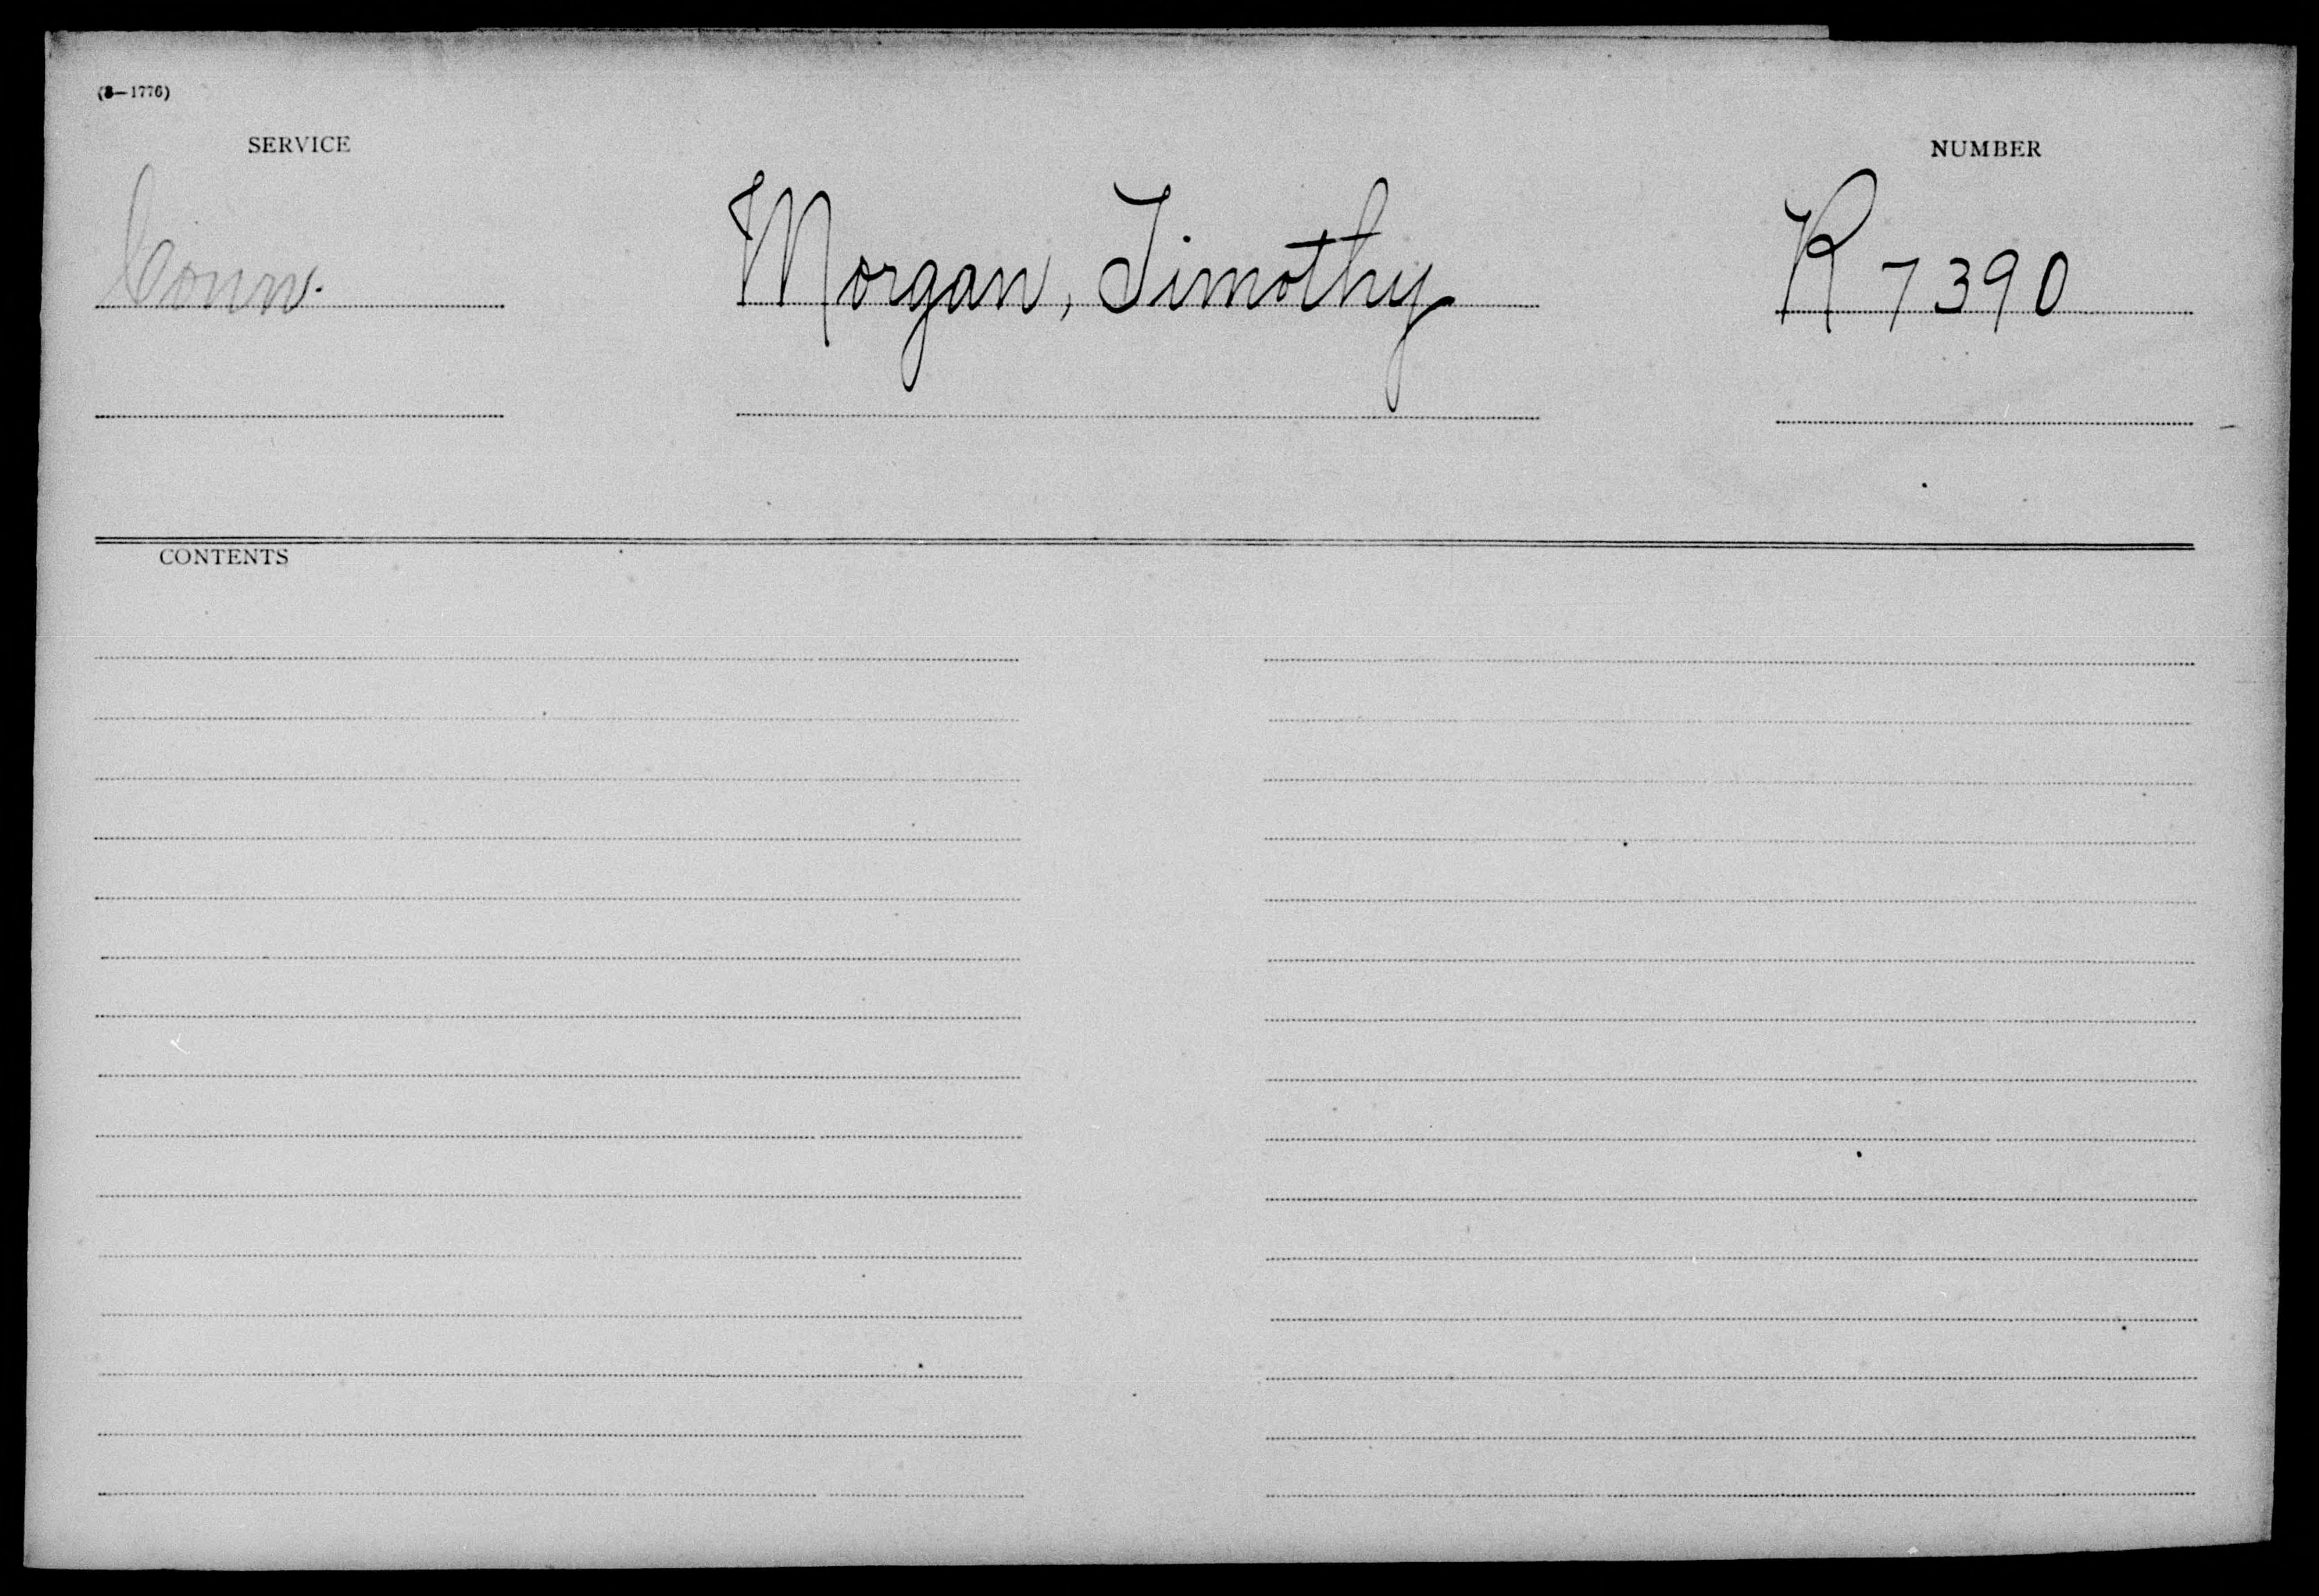SERVICE NUMBER
Conn. Morgan, Timothy R 7390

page: 1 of 19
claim: rejected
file: R 7390, for Timothy Morgan, Connecticut